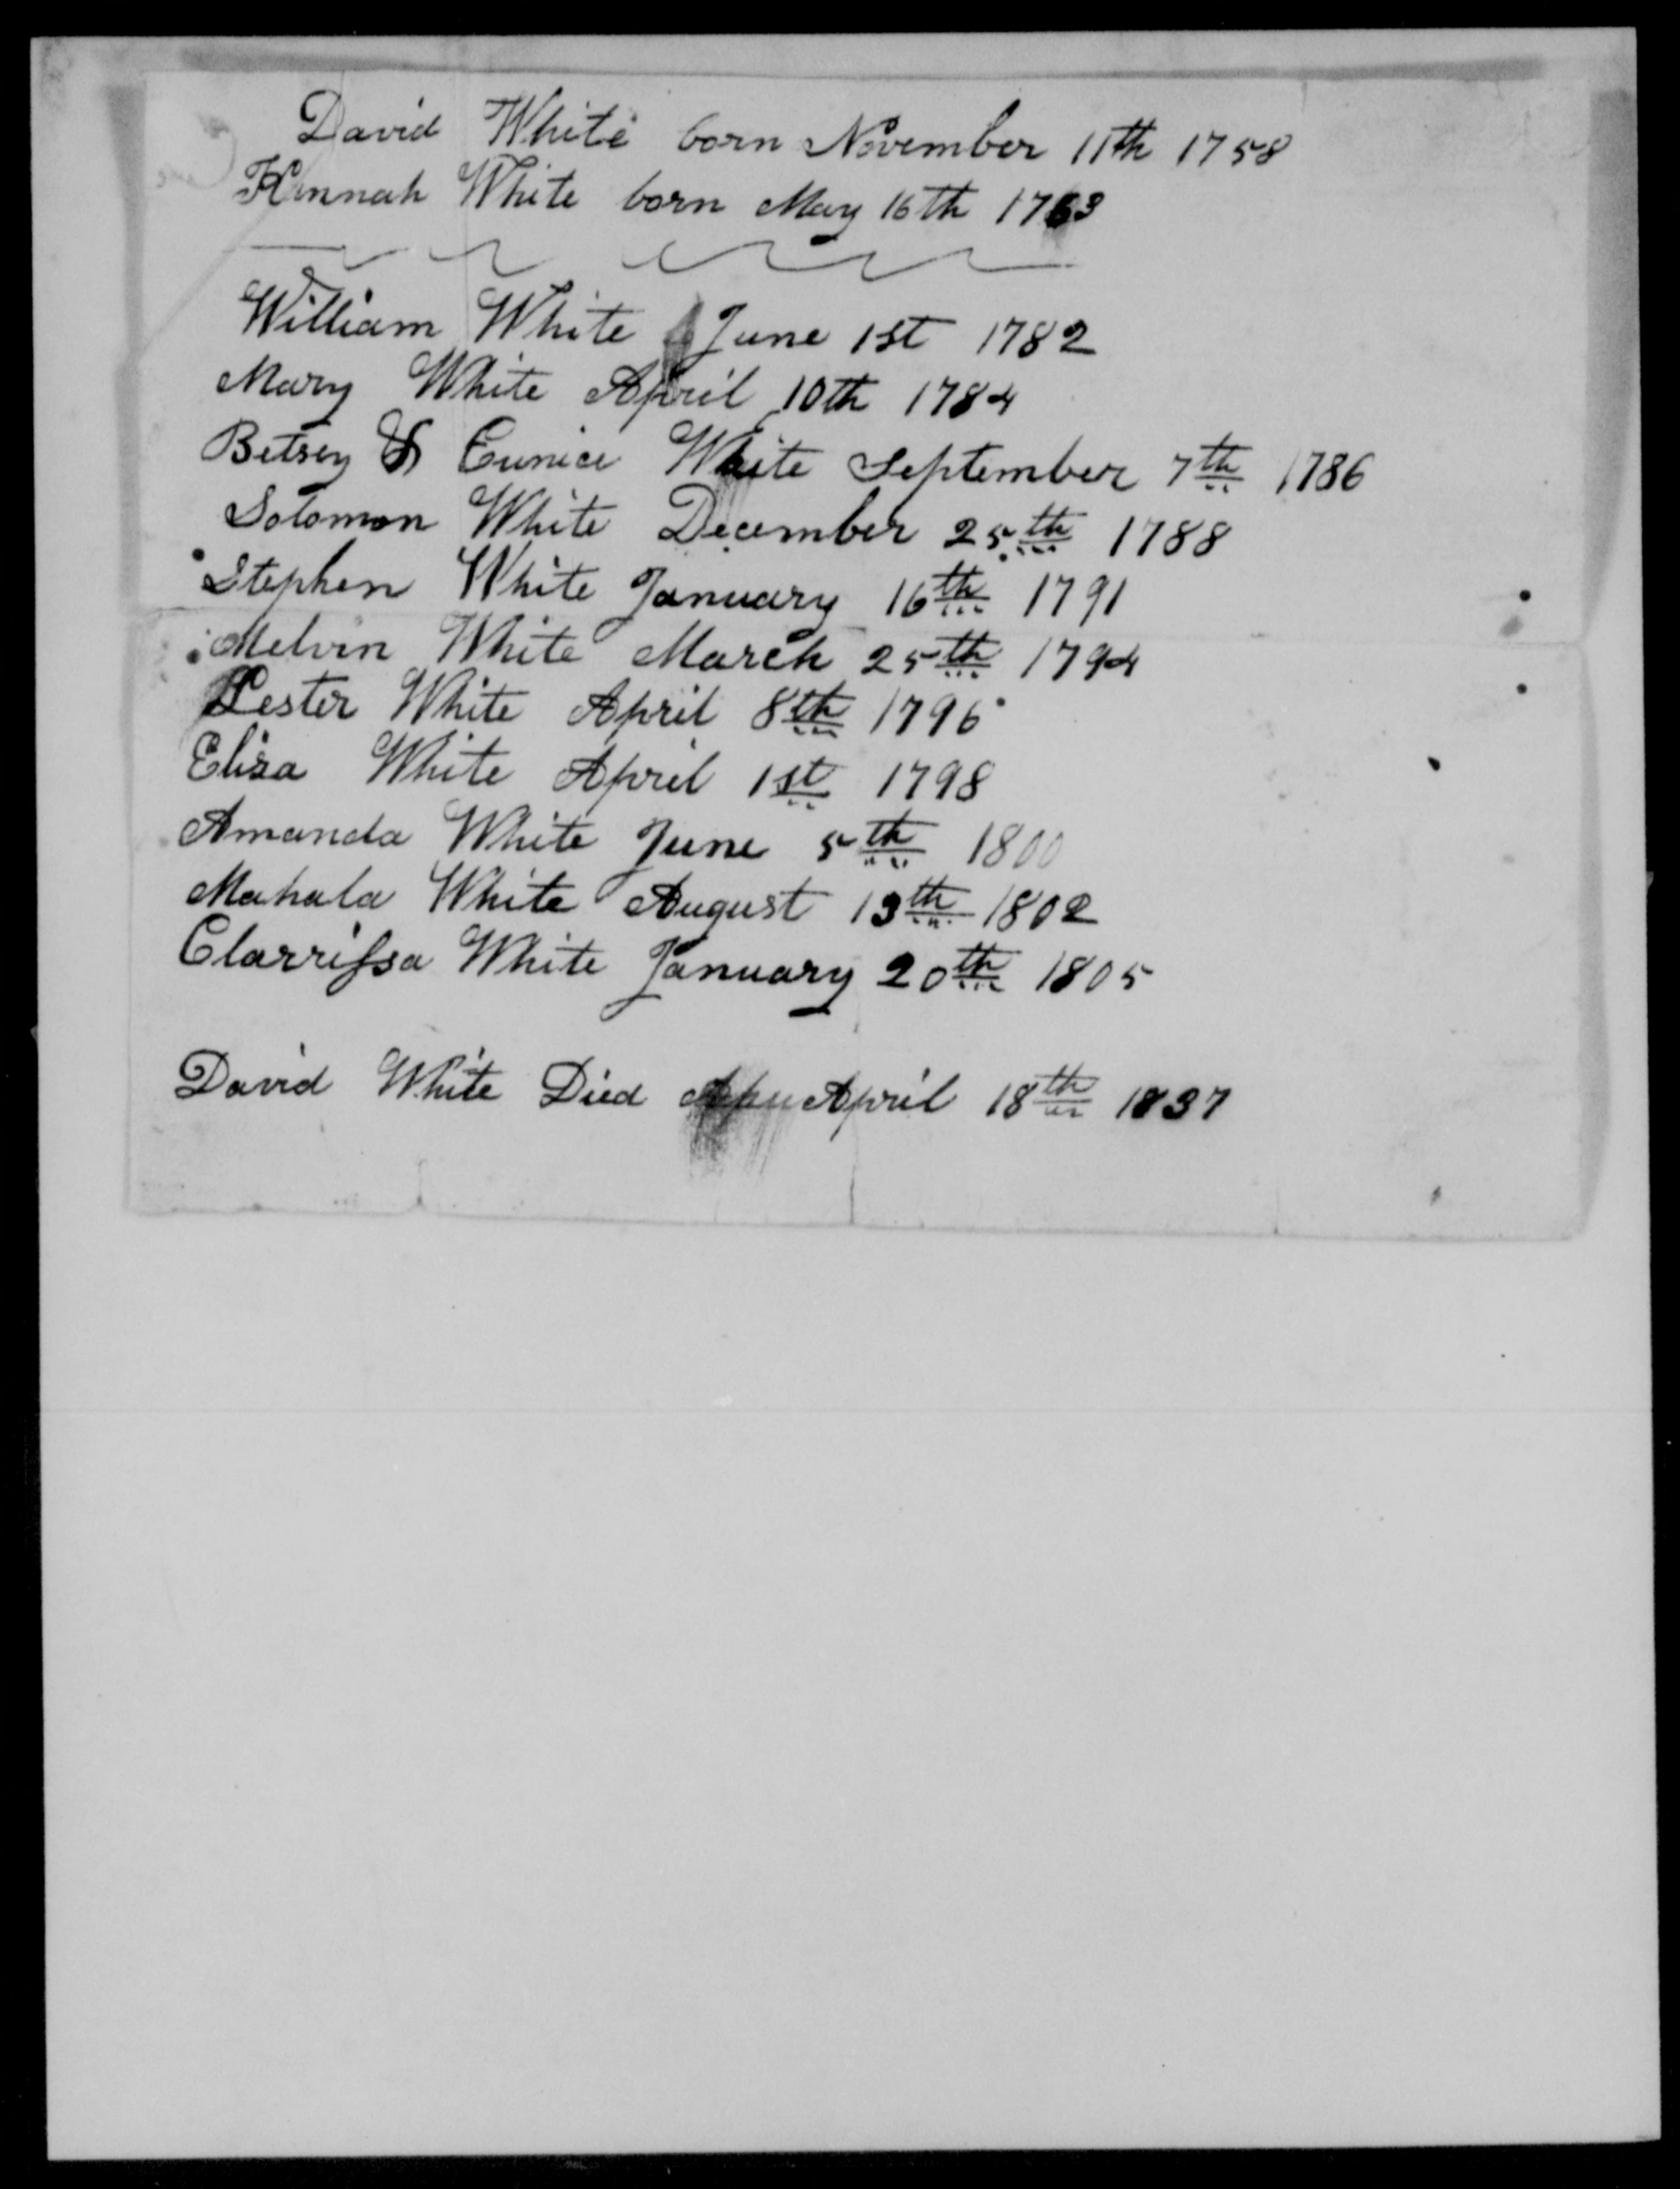David White born November 11th 1758
Hannah White born May 16th 1763

William White June 1st 1782
Mary White April 10th 1784
Betsey Cunier White September 7th 1786
Solomon White December 25th 1788
Stephen White January 16th 1791
Melvin White March 25th 1794
Lester White April 8th 1796
Elsa White April 1st 1798
Amanda White June 5th 1800
Mahala White August 13th 1802
Clarrissa White January 20th 1805

David White Died [smudge} April 18th 1837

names: David White, Mary White, Hannah White, Solomon White, Mahala White, Clarrissa White, Lester White, Eunice White, Melvin White, Amanda White, Eliza White, William White, Betsey White, Stephen White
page: 23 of 63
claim: widow's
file: W. 18403, David White, Conn.